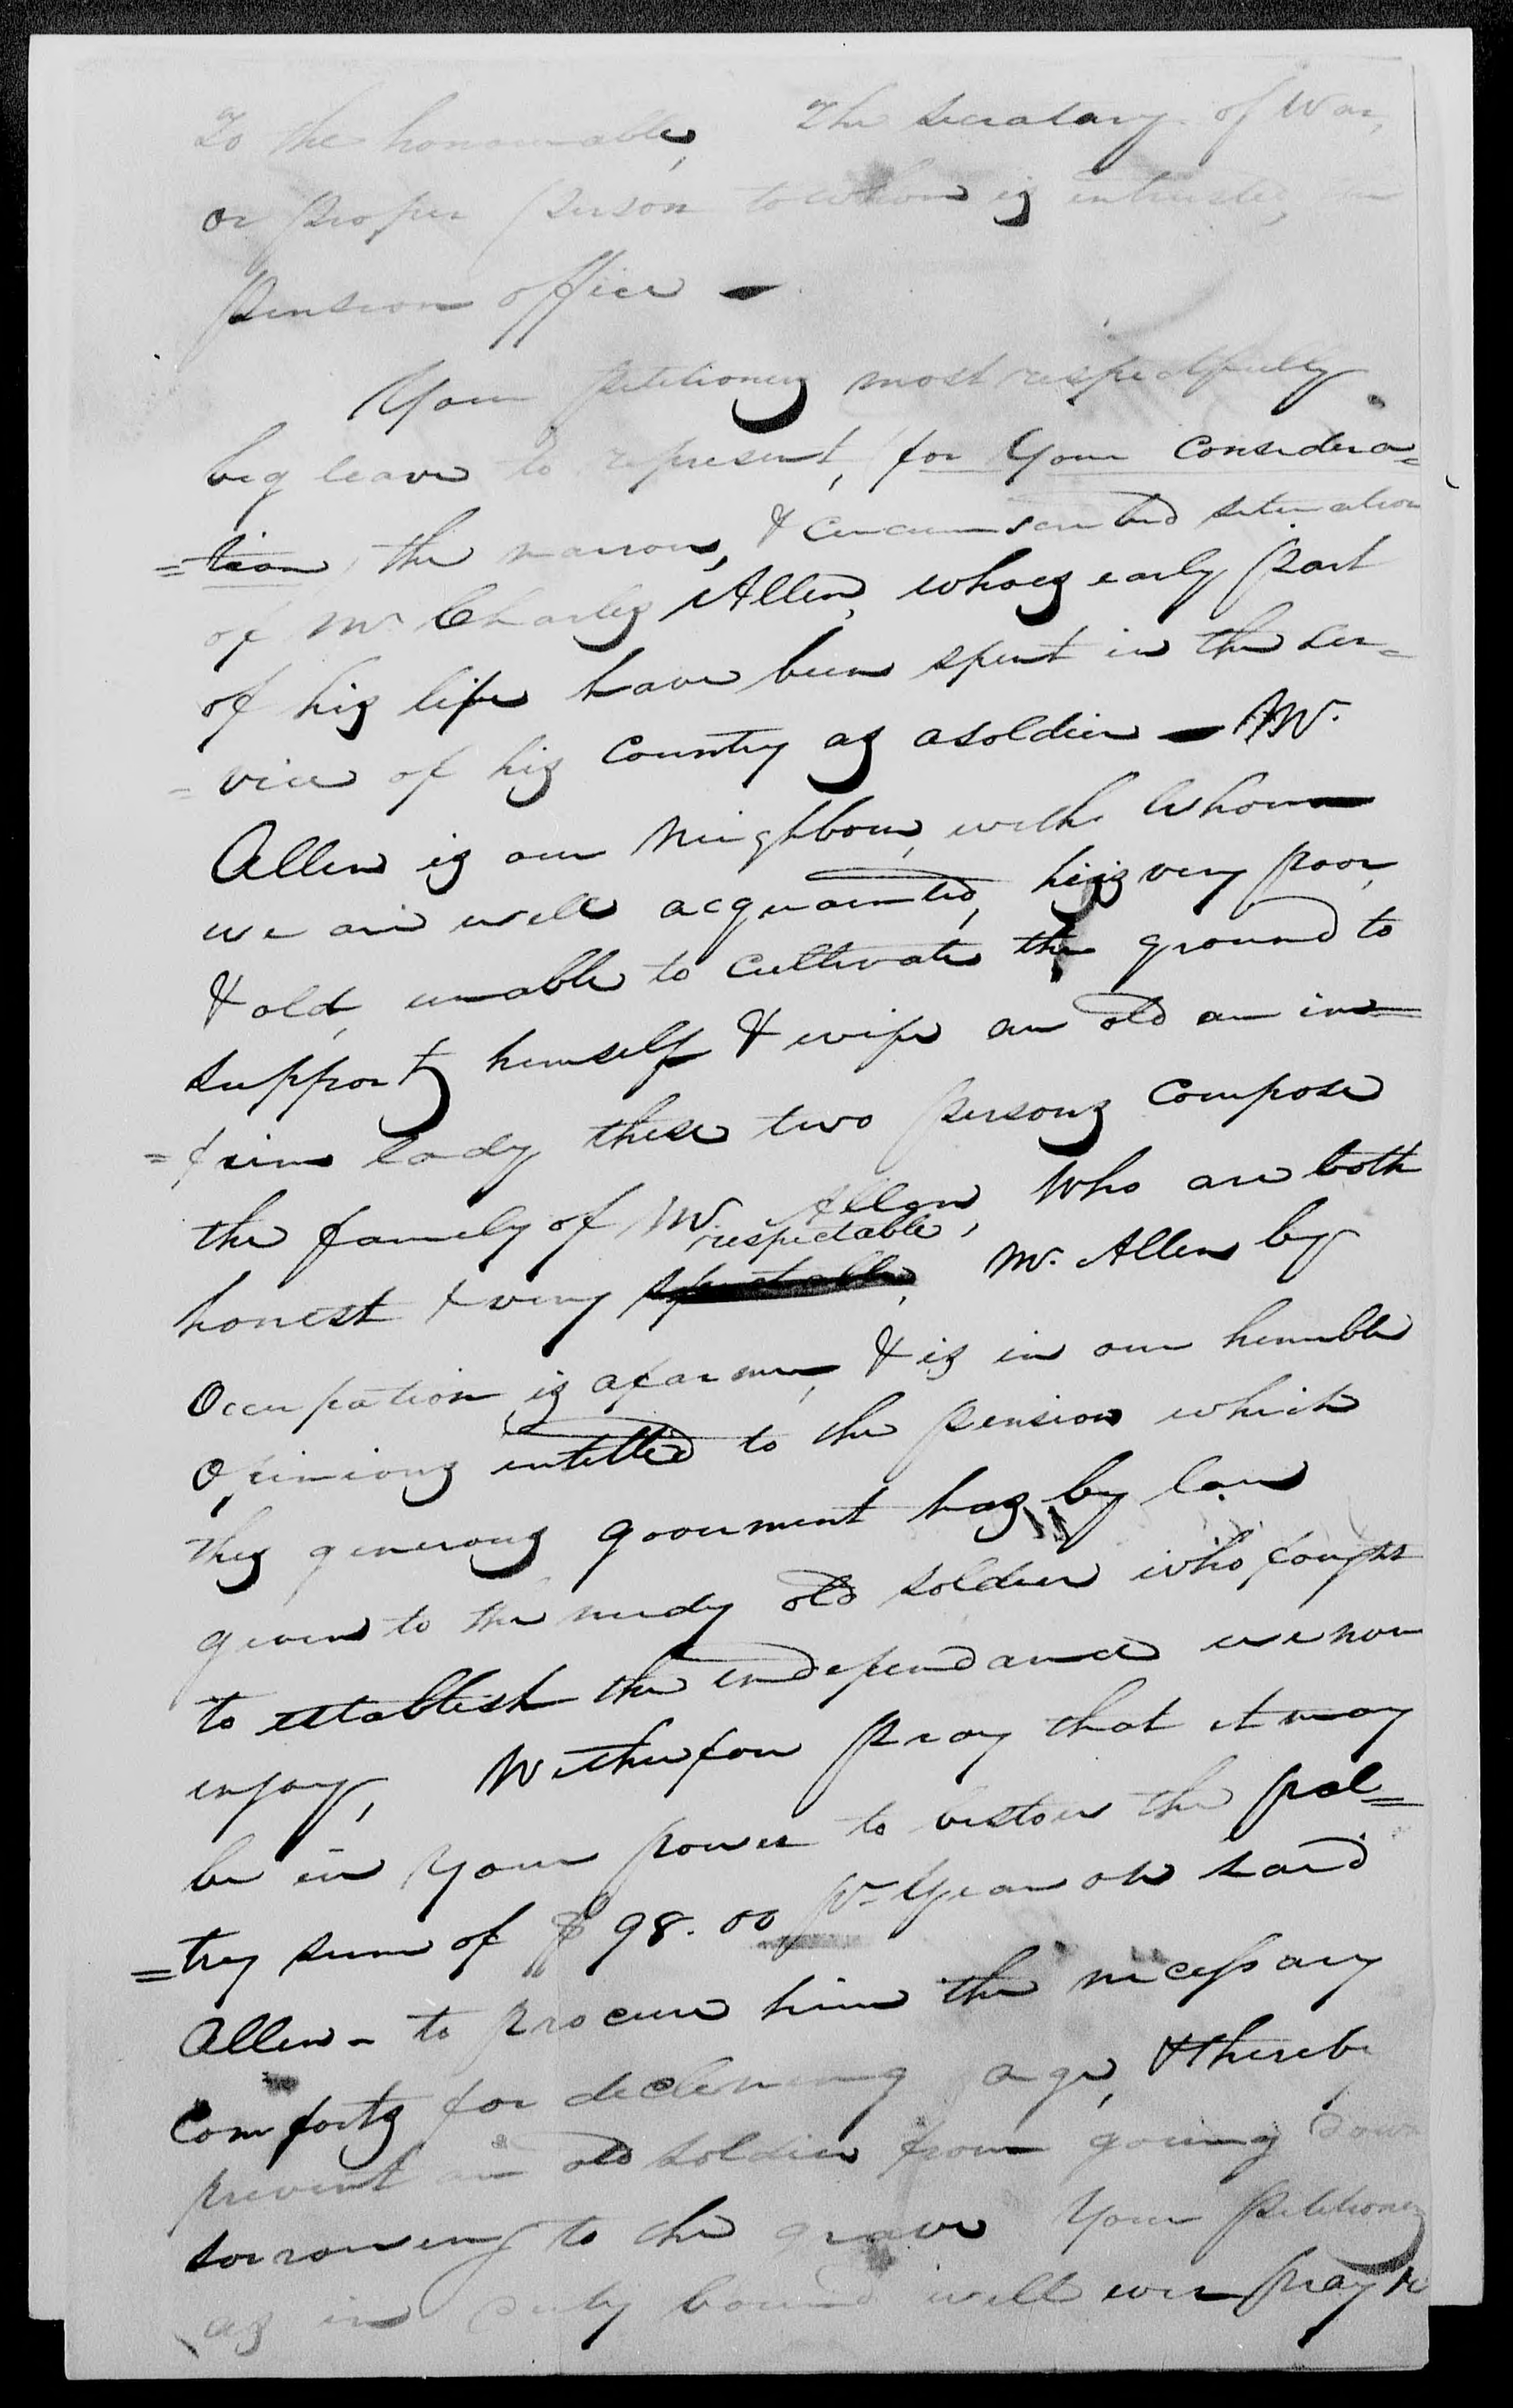To the honorable, The Secretary of War, or proper person towhom is intrusted, as pension officer.

Your petitioner most respectfully beg leave to represent for your consideration the names and circumstances situation of Mr. Charles Allen, who's early part of his life have been spent in the service of his country as a soldier. Mr. Allen is our neighbor, with whom we are well acquainted, he is very por and old, unable to cultivate the ground to support himself and wife and these two persons compose the family of Mr. Allen, who is both honest and respectable. Mr. Allen by occupation is and is in our humble opinion entitled to the pension which the generous government has by law give to the needy old soldiers who fought to establish the independence we now enjoy. Wither from pray that it may be in your power to bestow the paltry sum of $98.00 per year as on said Allen to procue him the necessary comforts for declining age, thereby preventing an old soldier from going down to the grave. Your petitionary in bound well with prayer.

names: Charles Allen, Allen, Allen, Allen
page: 16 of 22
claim: survivor's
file: S. 36399, Charles Allen, Va.